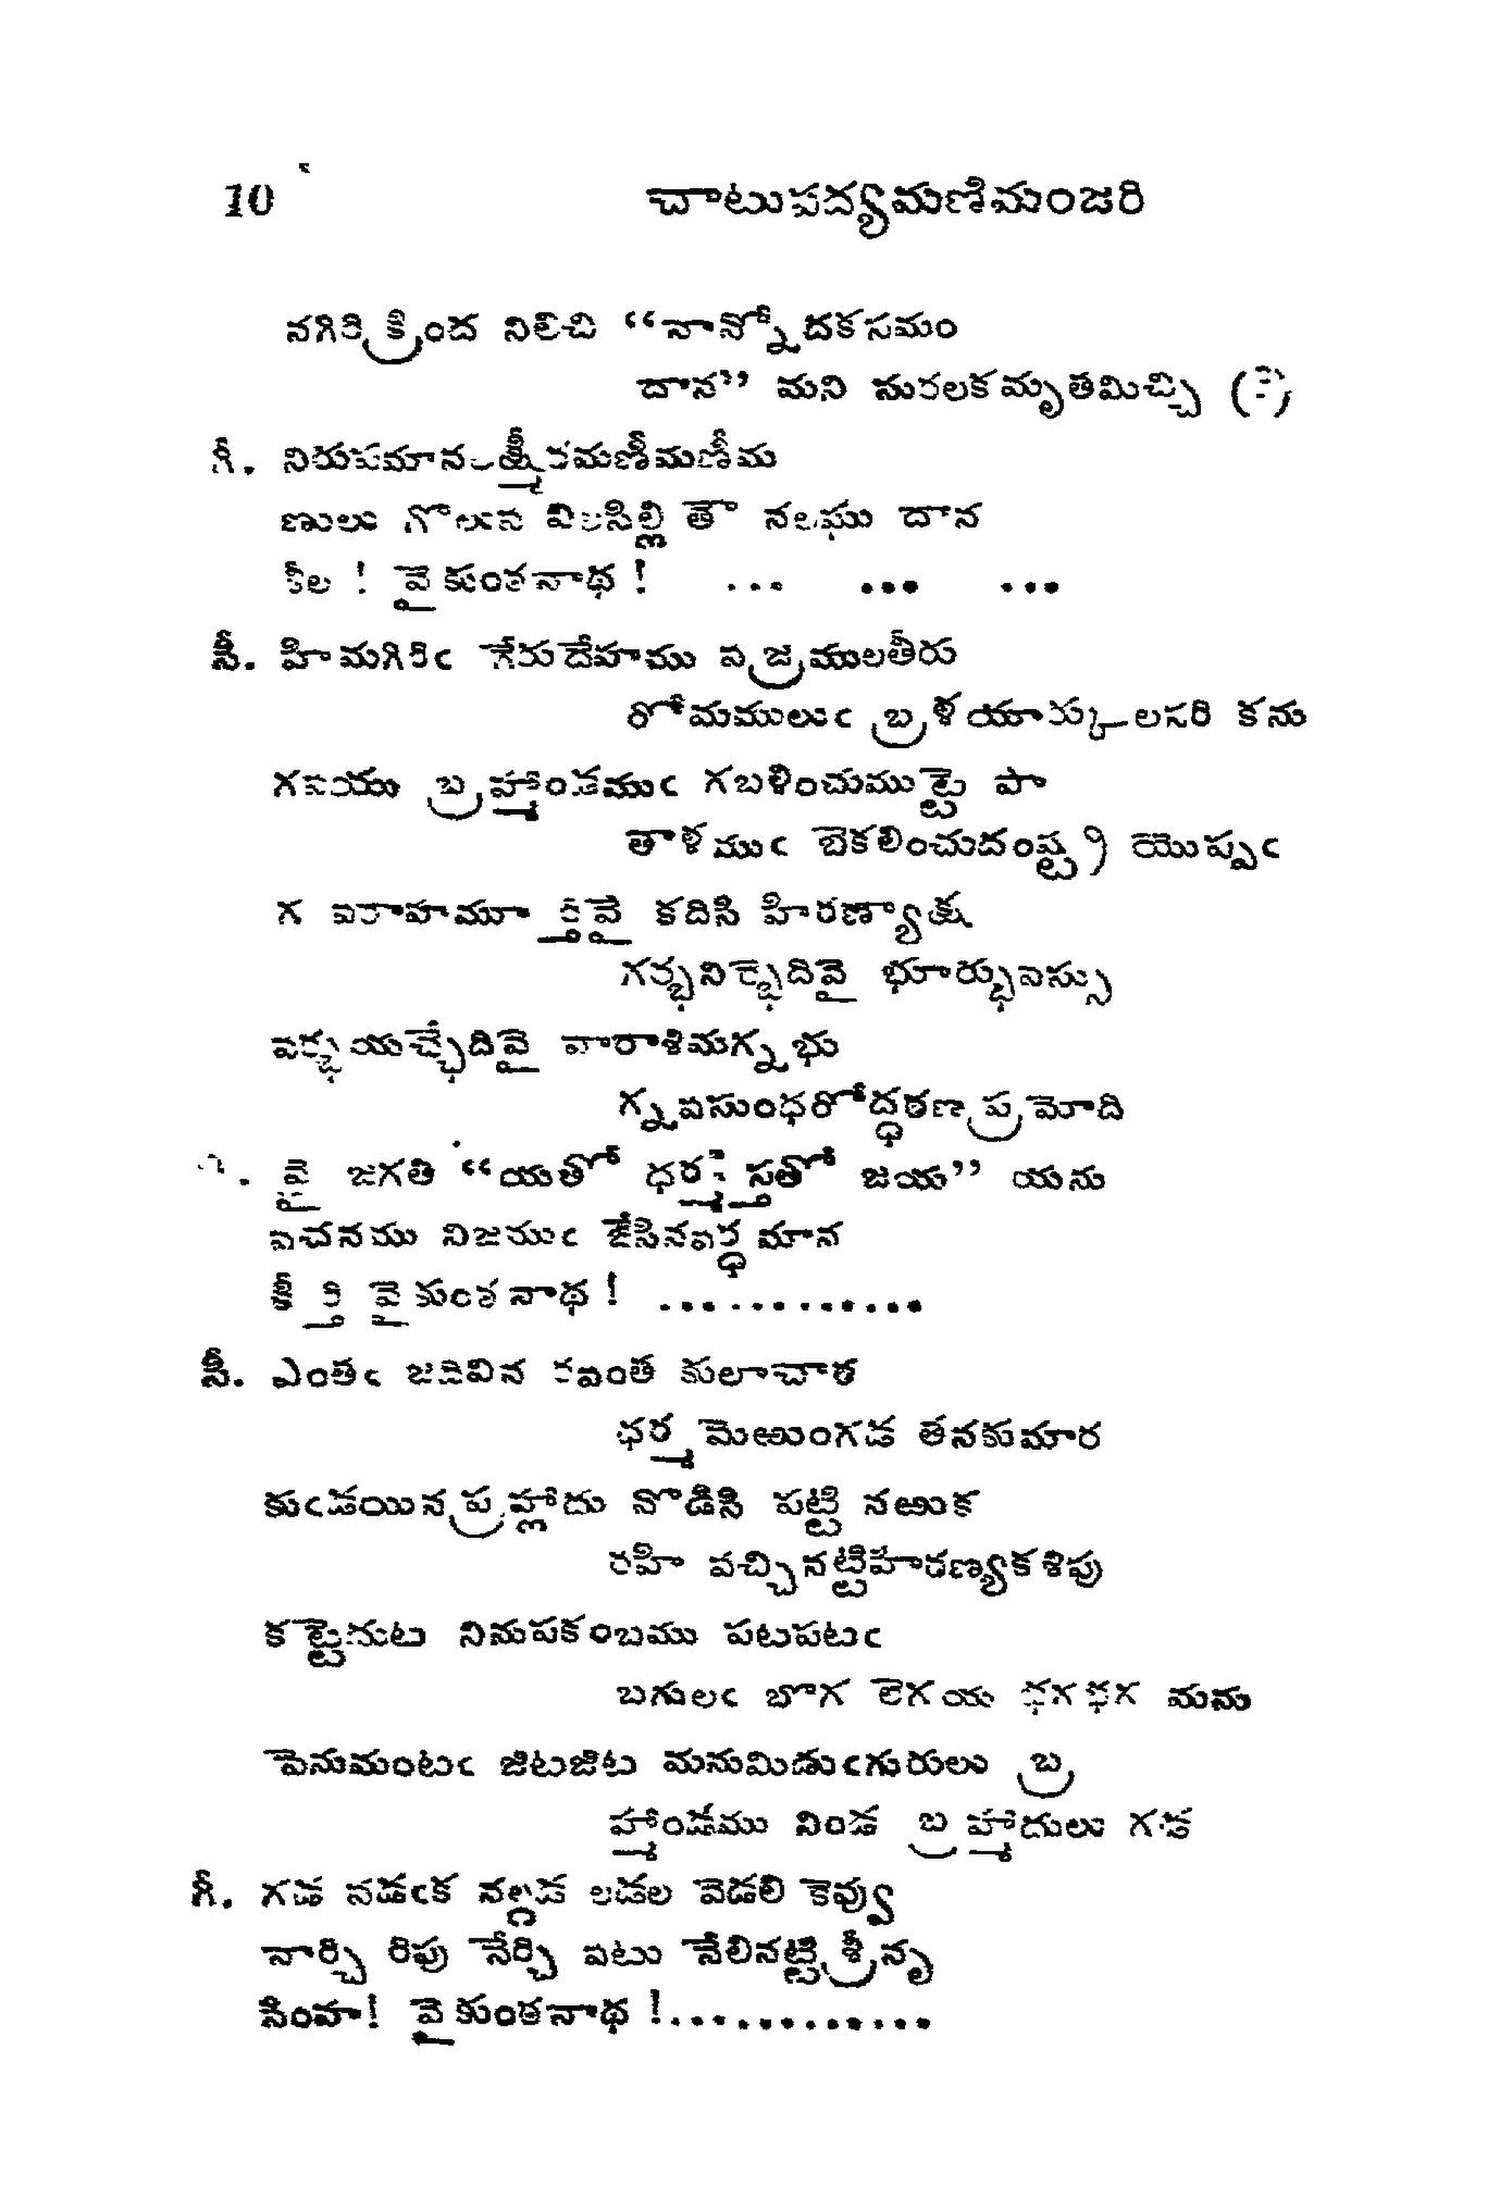నగిరి క్రింద నిలిచి “నాన్నోదకసమం
 దాన” మని సురల కమృత మిచ్చి(?)
గీ. నిరుపమాన లక్ష్మీరమణీమణీమ
 ణులు గొలువ విలసిల్లి తౌ నలఘు దాన
 శీల వైకుంఠనాథ! లక్ష్మీసనాథ!
 రక్షణపరాయణుండ! నారాయణుండ!
సీ. హిమగిరిఁ గేరుదేహము వజ్రములతీరు
 రోమములుఁ బ్రళయార్కులసరి కను
 గవయు బ్రహ్మాండముఁ గబళించుముట్టె పా
 తాళముఁ బెకలించుదంష్ట్ర యొప్పఁ
 గ వరాహమూర్తివై కదిసి హిరణ్యాక్ష
 గర్భనిర్భేదివై భూర్భువస్సు
 వర్ఛయచ్ఛేదివై వారాశిమగ్న భు
 గ్న వసుంధరోద్ధరణ ప్రమోది
గీ. వై జగతి “యతో ధర్మస్తతో జయ” యను
 వచనము నిజముఁ జేసిన వర్ధమాన
 కీర్తి! వైకుంఠనాథ! లక్ష్మీసనాథ!
 రక్షణపరాయణుండ! నారాయణుండ!
సీ. ఎంతఁ జదివిన రవంత కులాచార
 ధర్మ మెఱుంగడ తన కుమార
 కుఁడయిన ప్రహ్లాదు నొడిసి పట్టి నఱుక
 రహి వచ్చినట్టి హిరణ్యకశిపు
 కట్టెదుట నినుపకంబము పటపటఁ
 బగులఁ బొగ లెగయ భగభగ మను
 పెనుమంటఁ జిటజిట మనుమిడుఁగురులు బ్ర
 హ్మాండము నిండ బ్రహ్మాదులు గడ
గీ. గడ వడఁక నల్గడ లడల వెడలి కెవ్వు
 నార్చి రిపు నేర్చి వటు నేలినట్టి శ్రీ నృ
 సింహ! వైకుంఠనాథ! లక్ష్మీసనాథ!
 రక్షణపరాయణుండ! నారాయణుండ!